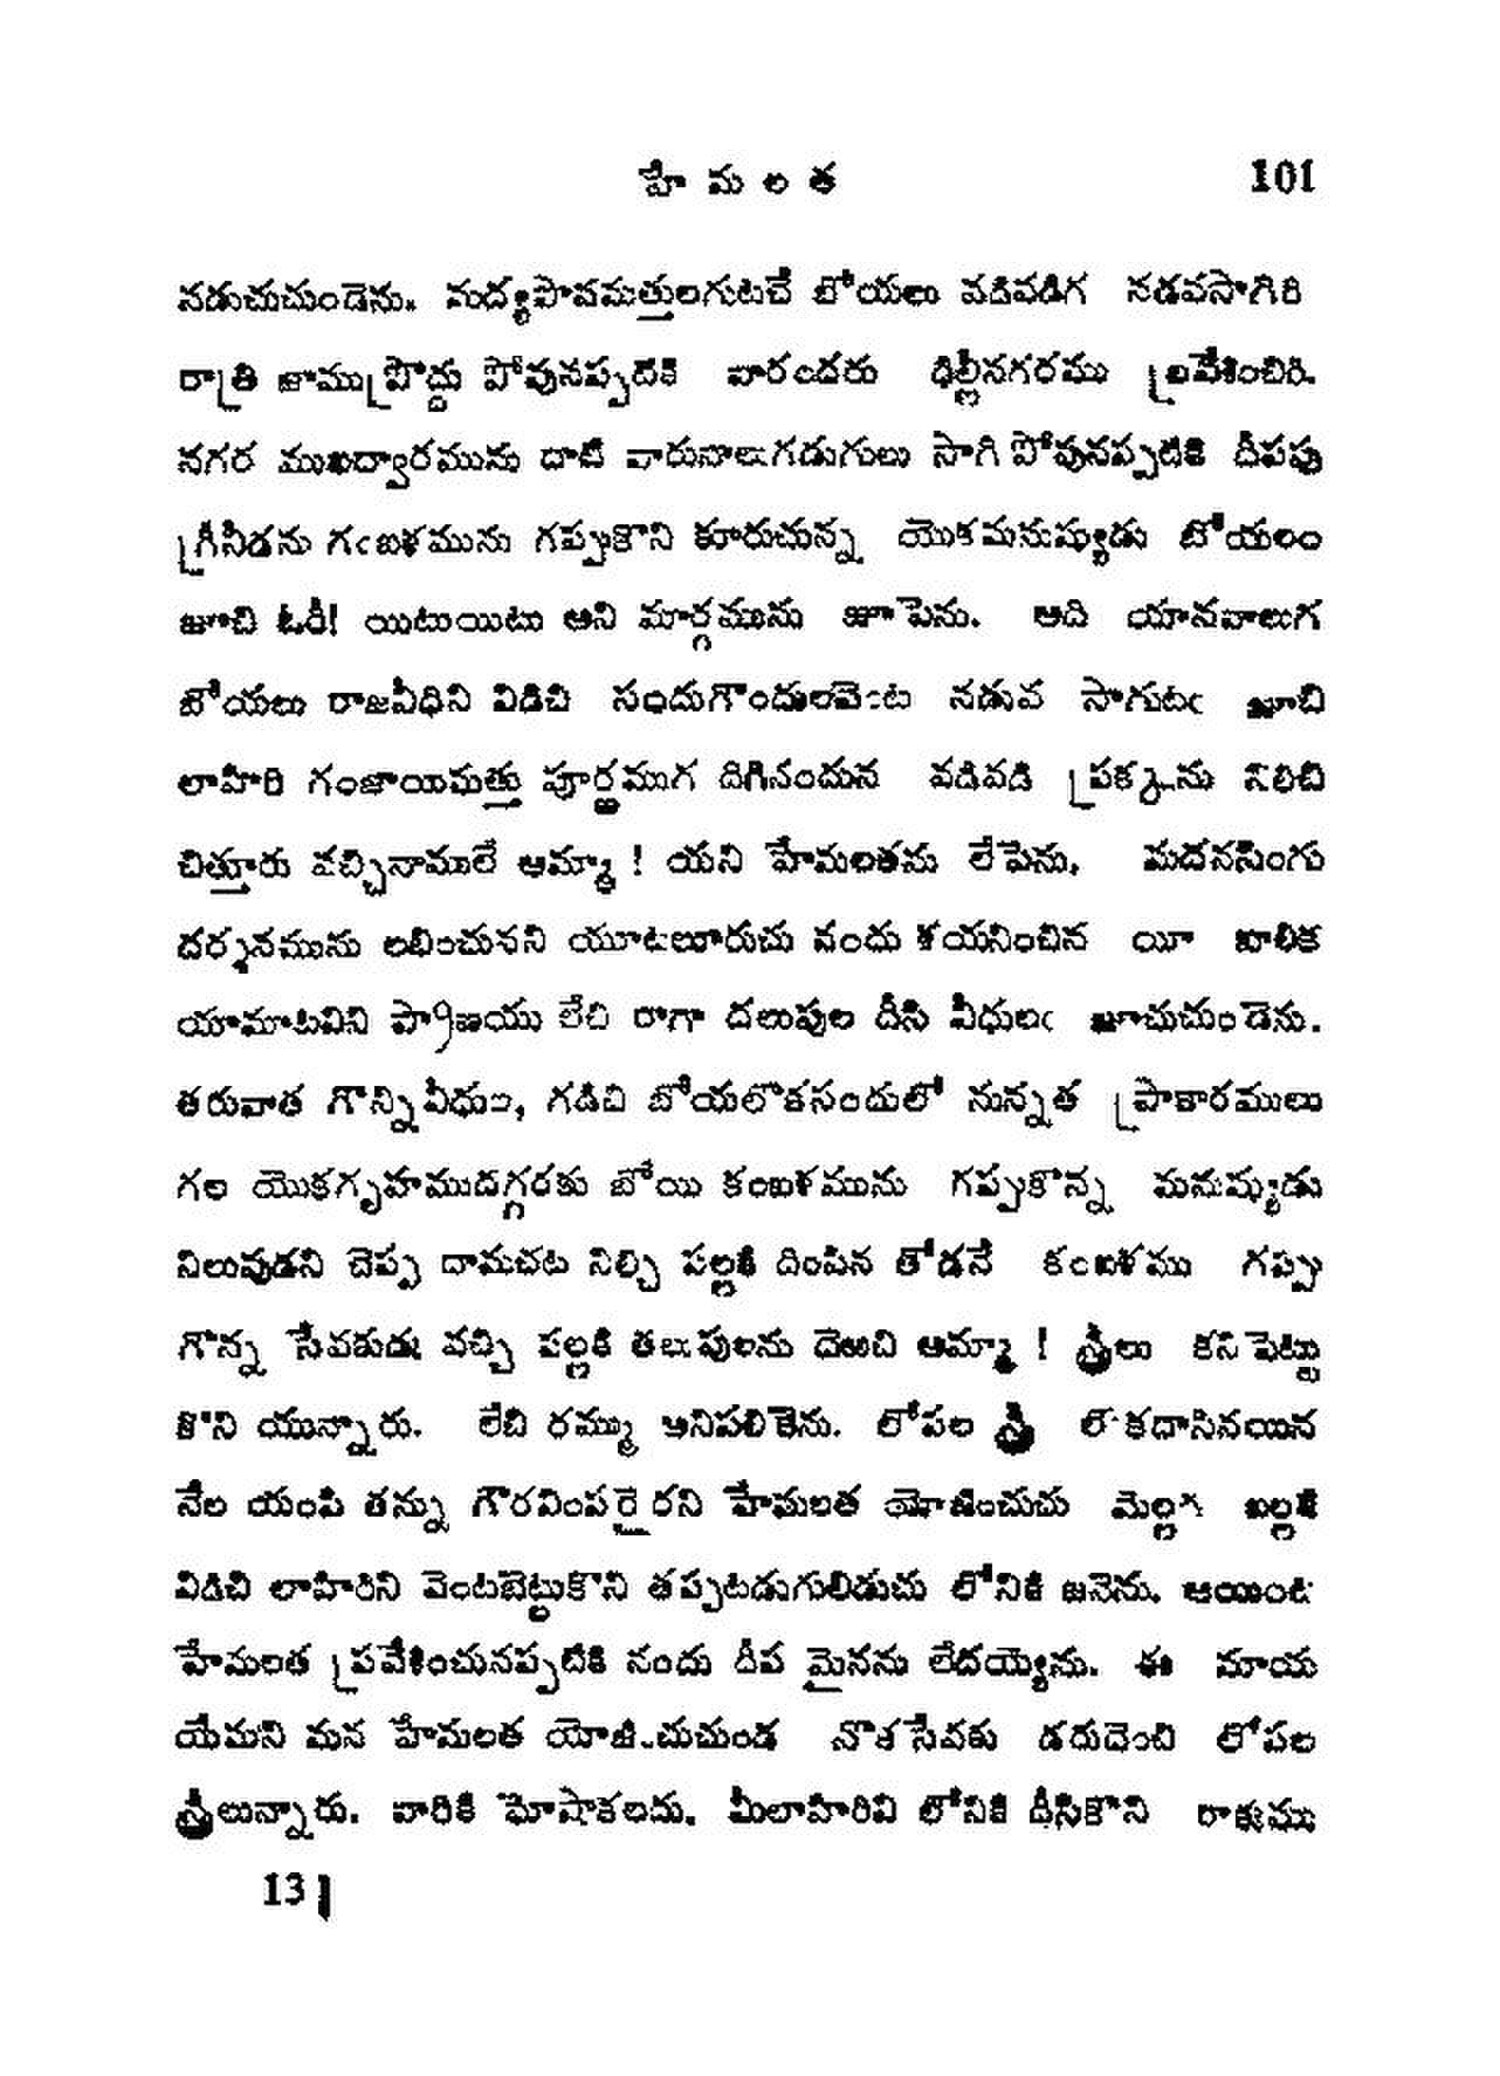నడచుచుండెను. మద్యపానమత్తులగుటచే బోయలు వడివడిగ నడవసాగిరి. రాత్రి జాముప్రొద్దు పోవునప్పటికి వారందరు ఢిల్లీనగరము బ్రవేశించిరి. నగర ముఖద్వారమును దాటి వారు నాలుగడుగులు సాగిపోవునప్పటికి దీపపు గ్రీనీడను గంబళమును గప్పుకొని కూరుచున్న యొకమనుష్యుడు బోయలం జూచి ఓరీ! యిటుయిటు అని మార్గమును జూపెను. అది యానవాలుగ బోయలు రాజవీధిని విడిచి సందుగొందులవెంట నడువసాగుట జూచి లాహిరి గంజాయిమత్తు పూర్ణముగ దిగినందున వడివడి ప్రక్కను నిలిచి చిత్తూరు వచ్చినాములే అమ్మా! యని హేమలతను లేపెను. మదనసింగు దర్శనమును లభించునని యూటలూరుచు నందు శయనించిన యీ బాలిక యా మాటవిని ప్రాణము లేచి రాగా దలుపులు దీసి వీధులఁ జూచుచుండెను. తరువాత గొన్నివీధుల, గడిచి బోయలొకసందులో నున్నత ప్రాకారములు గల యొక గృహముదగ్గరకు బోయి కంబళమును గప్పుకొన్న మనుష్యుడు నిలువుడని చెప్ప దామట నిల్చి పల్లకి దించిన తొడనే కంబళము గప్పుకొన్న సేవకుడు వచ్చి పల్లకి తలుపులను దెఱచి అమ్మా! స్త్రీలు కనిపెట్టుకొని యున్నారు. లేచి రమ్ము అనిపలికెను. లోపల స్త్రీ లొకదాసినయిన నేల యంపి తన్ను గౌరవింపరైరని హేమలత యోజించుచు మెల్లగ బల్లకి విడిచి లాహిరిని వెంటబెట్టుకొని తప్పటడుగులిడుచు లోనికి జనెను. ఆయింట హేమలత ప్రవేశించునప్పటికి నందు దీపమైనను లేదయ్యెను. ఈ మాయ యేమని మన హేమలత యోజించుచుండ నొకసేవకు డరుదెంచి లోపల స్త్రీలున్నారు. వారికి ఘోషాకలదు. మీలాహిరిని లోనికి దీసికొని రాకుము